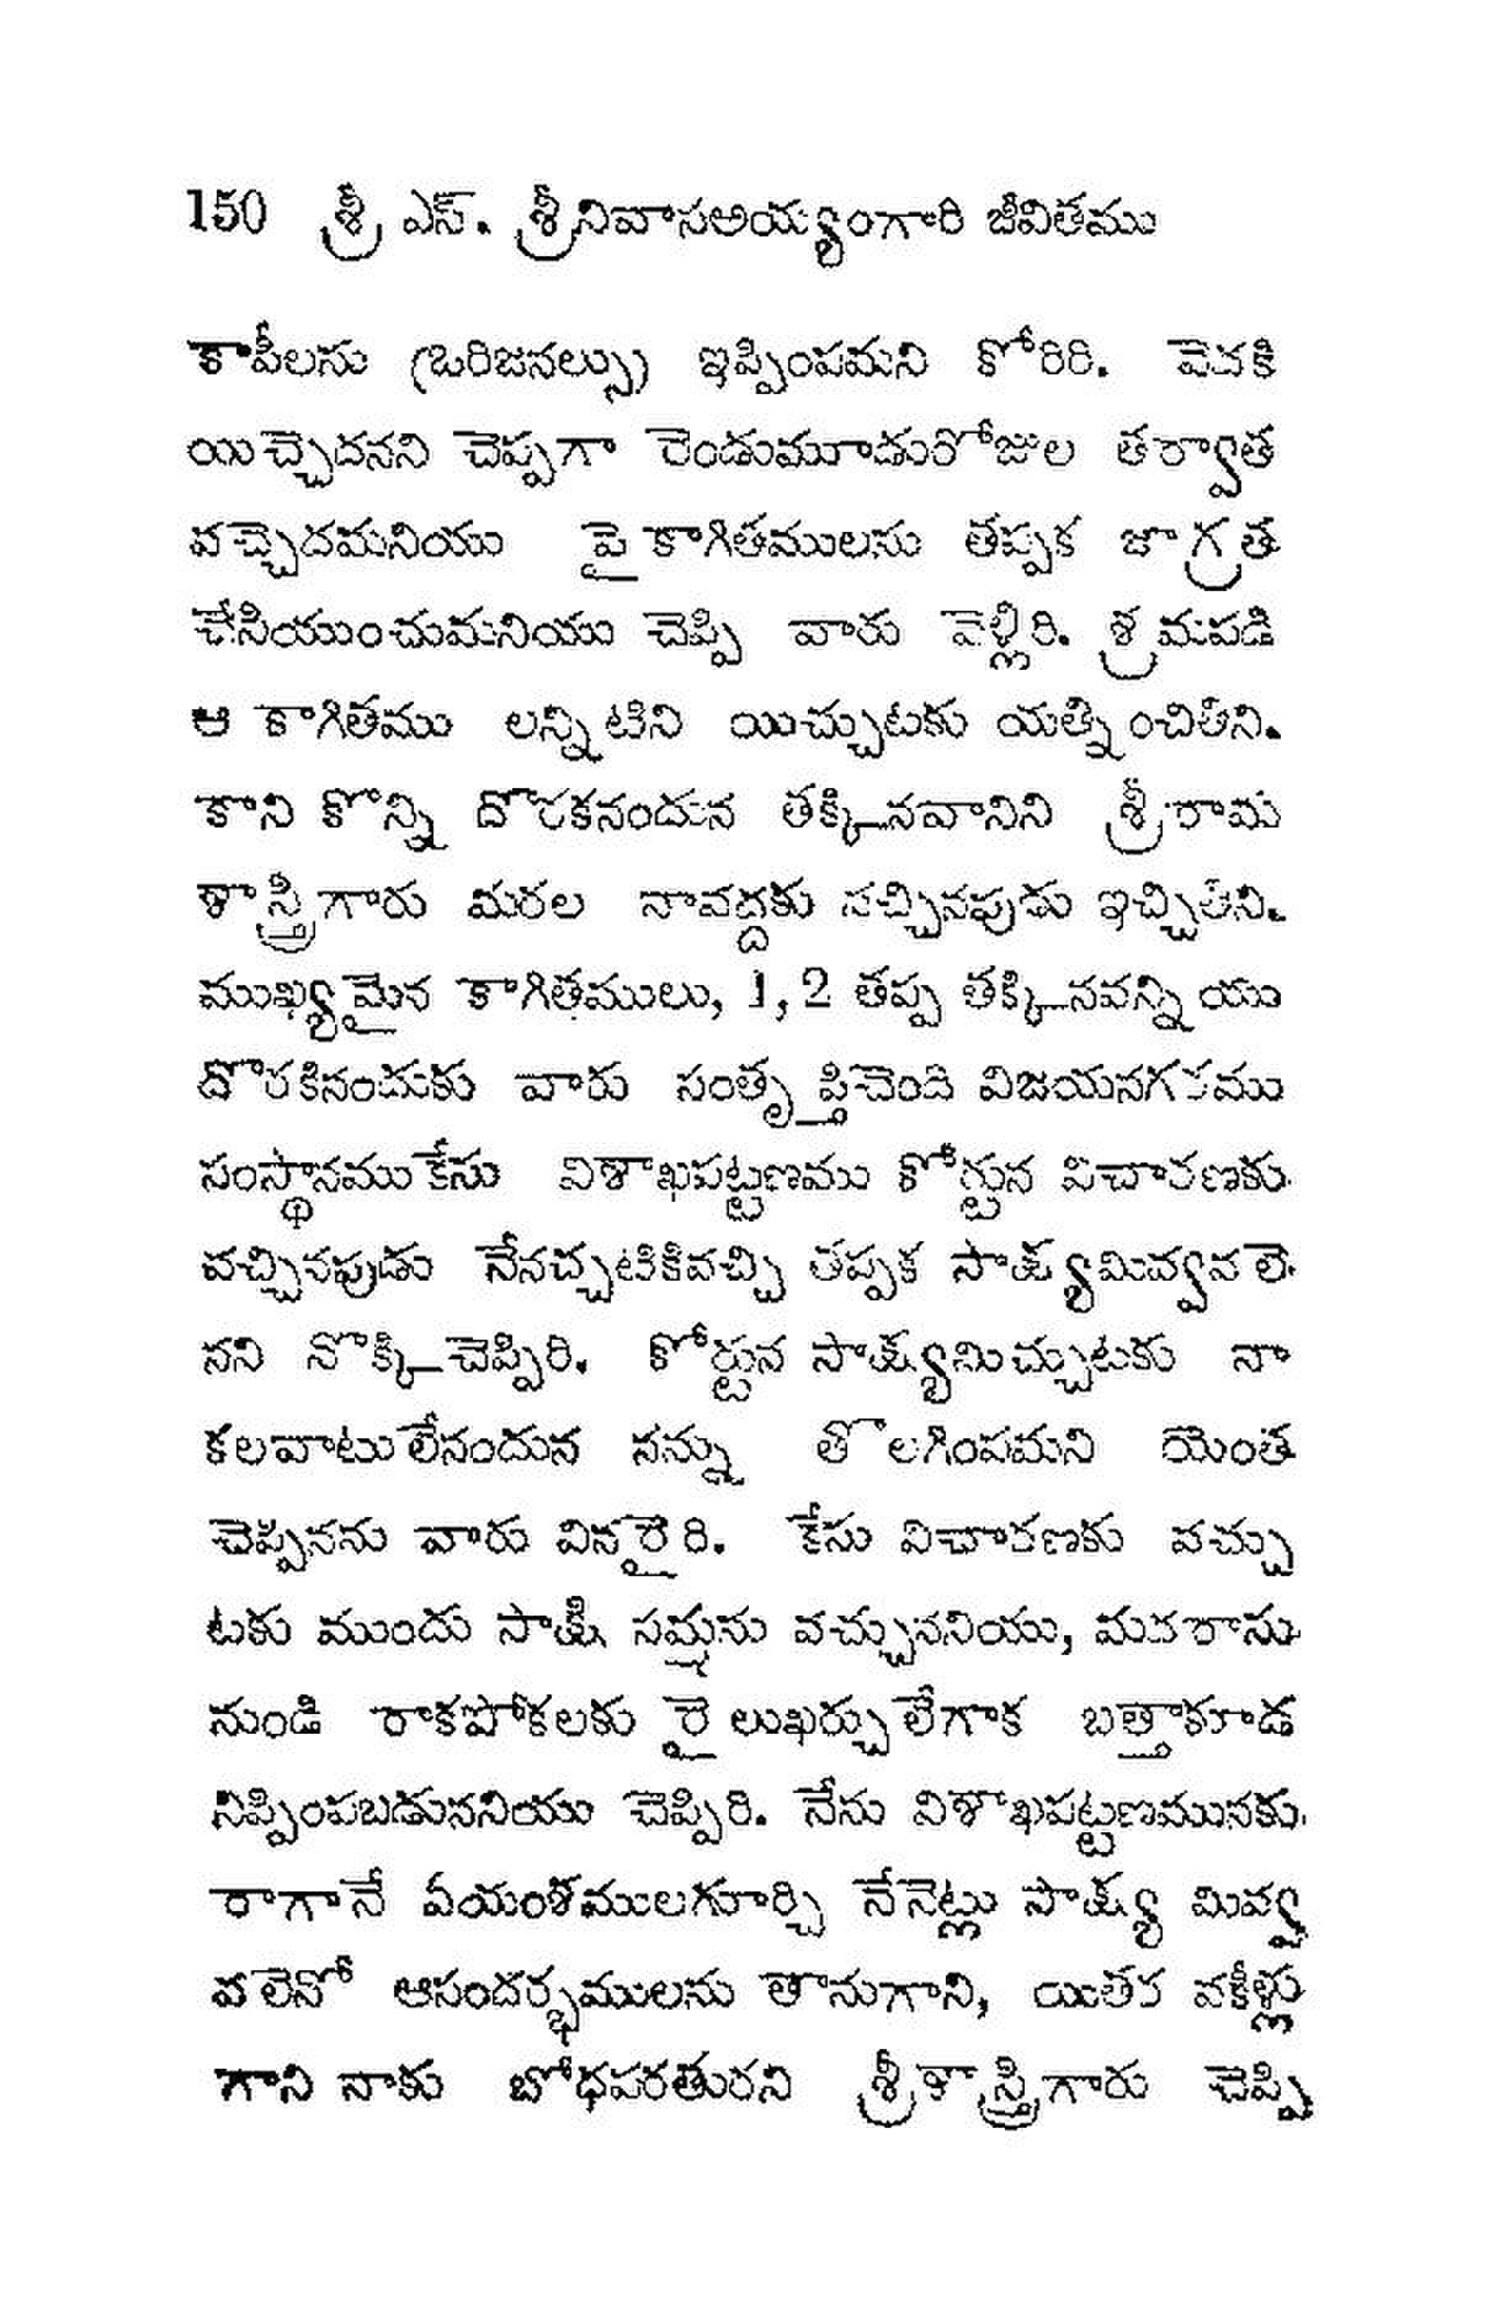కాపీలను (ఒరిజనల్సు) ఇప్పింపమని కోరిరి. వెదకి యిచ్చెదనని చెప్పగా రెండుమూడురోజుల తర్వాత వచ్చెదమనియు పై కాగితములను తప్పక జాగ్రత చేసియుంచుమనియు చెప్పి వారు వెళ్లిరి. శ్రమపడి ఆ కాగితము లన్నిటిని యిచ్చుటకు యత్నించితిని. కాని కొన్ని దొరకనందున తక్కినవానిని శ్రీరామశాస్త్రిగారు మరల నావద్దకు వచ్చినపుడు ఇచ్చితని. ముఖ్యమైన కాగితములు, 1, 2 తప్ప తక్కినవన్నియు దొరకినందుకు వారు సంతృప్తిచెంది విజయనగరము సంస్థానముకేసు విశాఖపట్టణము కోర్టున విచారణకు వచ్చినపుడు నేనచ్చటికివచ్చి తప్పక సాక్ష్యమివ్వవలెనని నొక్కి చెప్పిరి. కోర్టున సాక్ష్యమిచ్చుటకు నా కలవాటులేనందున నన్ను తొలగింపమని యెంత చెప్పినను వారు వినరైరి. కేసు విచారణకు వచ్చుటకు ముందు సాక్షి సమ్మను వచ్చుననియు, మదరాసు నుండి రాకపోకలకు రైలుఖర్చులేగాక బత్తాకూడ నిప్పింపబడుననియు చెప్పిరి. నేను నిశాఖపట్టణమునకు రాగానే ఏయంశములగూర్చి నేనెట్లు సాక్ష్య మివ్వవలెనో ఆసందర్భములను తానుగాని, యితర వకీళ్లు గాని నాకు బోధపరతురని శ్రీశాస్త్రిగారు చెప్పి